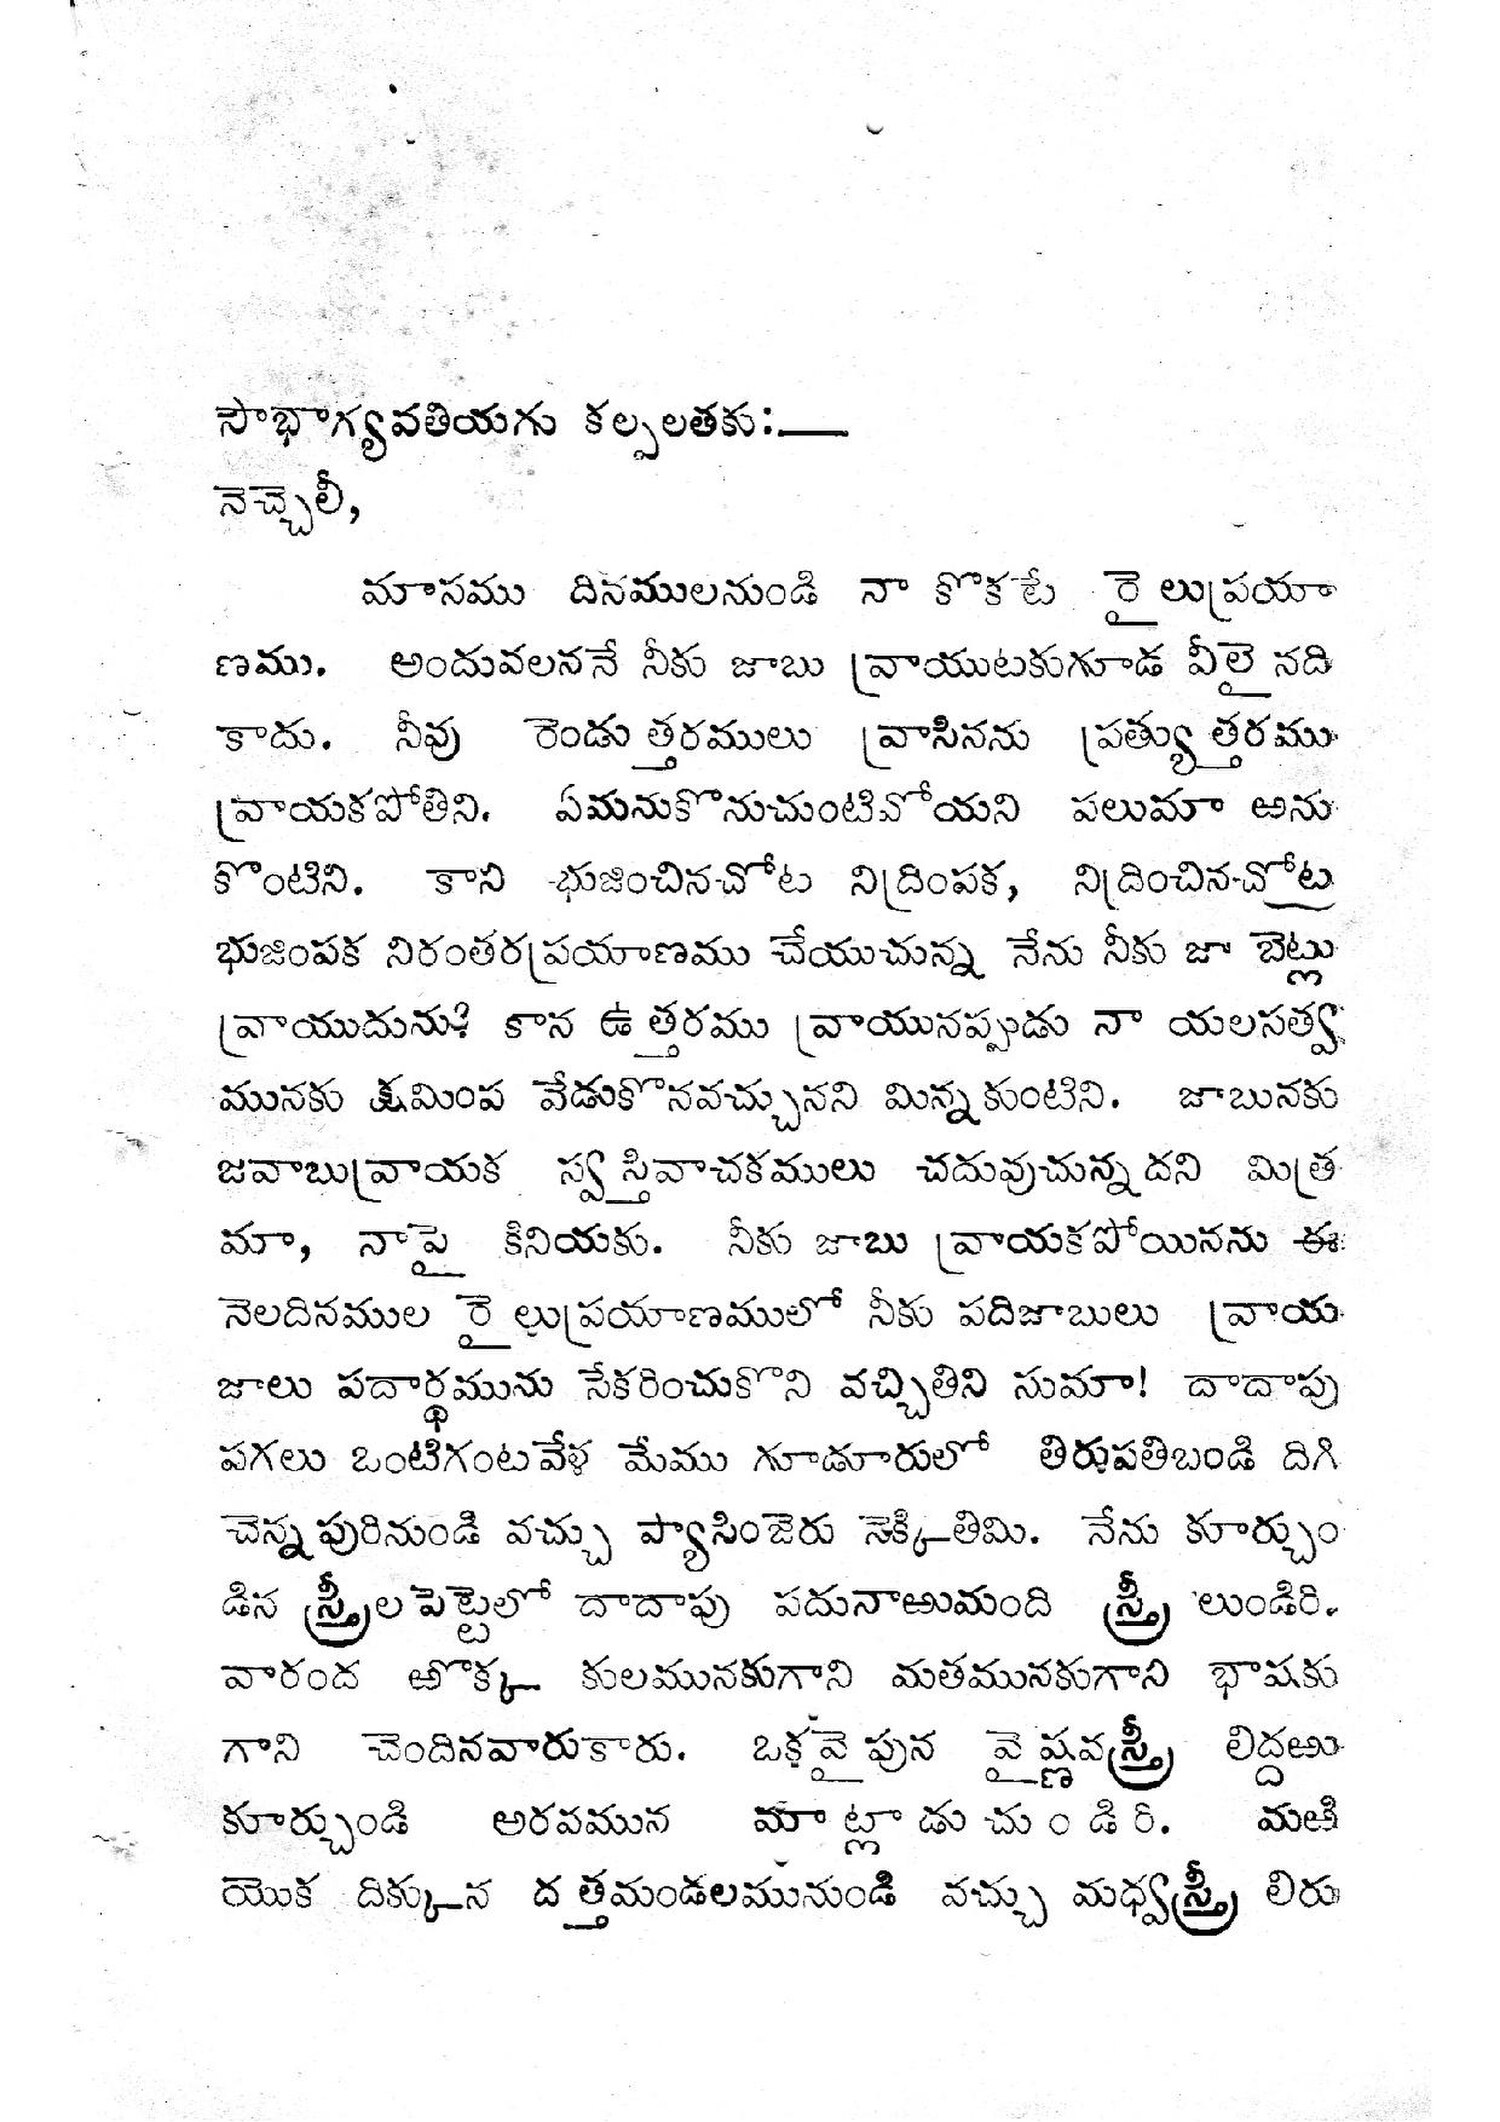సౌభాగ్యవతియగు కల్పలతకు:-

నెచ్చెలీ,

మాసము దినములనుండి నా కొకటే రైలుప్రయాణము. అందువలననే నీకు జాబు వ్రాయుటకుగూడ వీలైనది కాదు. నీవు రెండుత్తరములు వ్రాసినను ప్రత్యుత్తరము వ్రాయకపోతిని. ఏమనుకొనుచుంటివోయని పలుమా ఱనుకొంటిని. కాని భుజించినచోట నిద్రింపక, నిద్రించినచోట భుజింపక నిరంతరప్రయాణము చేయుచున్న నేను నీకు జా బెట్లు వ్రాయుదును? కాన ఉత్తరము వ్రాయునప్పుడు నా యలసత్వమునకు క్షమింప వేడుకొనవచ్చునని మిన్నకుంటిని . జాబునకు జవాబువ్రాయక స్వస్తివాచకములు చదువుచున్నదని మిత్రమా, నాపై కినియకు. నీకు జాబు వ్రాయకపోయినను ఈ నెలదినముల రైలుప్రయాణములో నీకు పదిజాబులు వ్రాయజాలు పదార్థమును సేకరించుకొని వచ్చితిని సుమా! దాదాపు పగలు ఒంటిగంటవేళ మేము గూడూరులో తిరుపతిబండి దిగి చెన్నపురినుండి వచ్చు ప్యాసింజెరు నెక్కితిమి. నేను కూర్చుండిన స్త్రీలపెట్టెలో దాదాపు పదునాఱుమంది స్త్రీ లుండిరి. వారంద ఱొక్క కులమునకుగాని మతమునకుగాని భాషకుగాని చెందినవారుకారు. ఒకవైపున వైష్ణవస్త్రీ లిద్దఱు కూర్చుండి అరవమున మాట్లాడుచుండిరి. మఱియొక దిక్కున దత్తమండలమునుండి వచ్చు మధ్వస్త్రీ లిరు